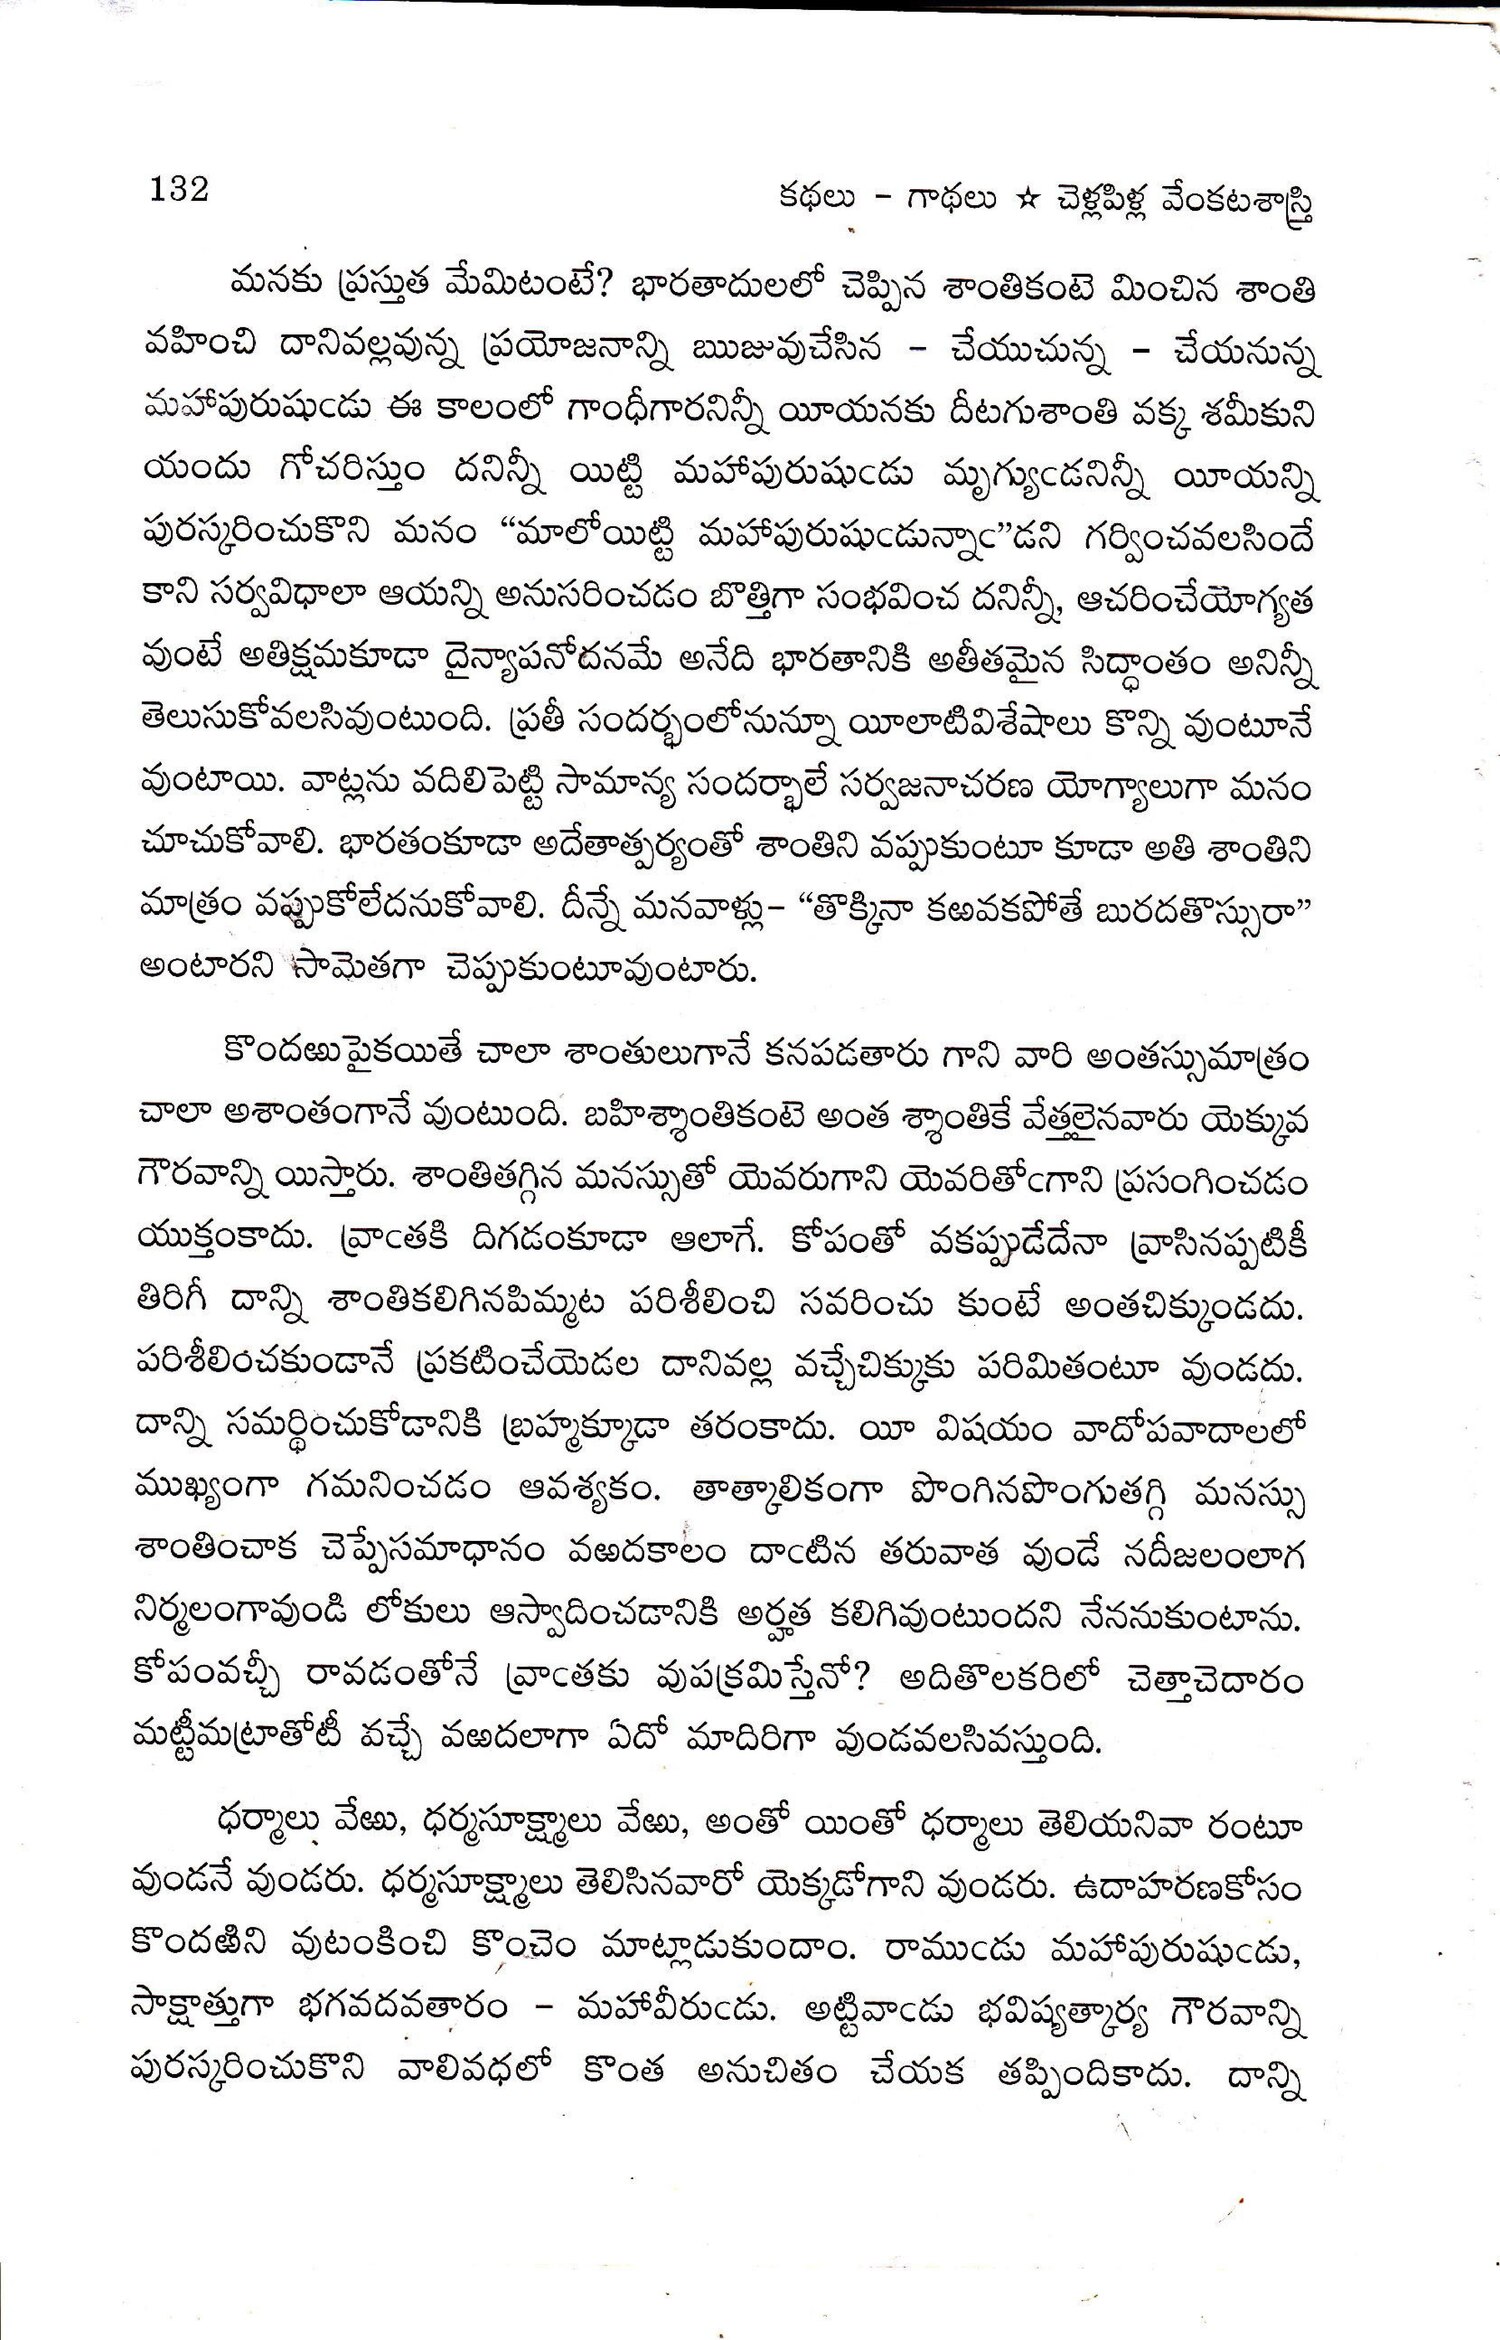మనకు ప్రస్తుత మేమిటంటే? భారతాదులలో చెప్పిన శాంతికంటె మించిన శాంతి వహించి దానివల్లవున్న ప్రయోజనాన్ని ఋజువుచేసిన - చేయుచున్న - చేయనున్న మహాపురుషుఁడు ఈ కాలంలో గాంధీగారనిన్నీ యీయనకు దీటగుశాంతి వక్క శమీకుని యందు గోచరిస్తుం దనిన్నీ యిట్టి మహాపురుషుఁడు మృగ్యుఁడనిన్నీ యీయన్ని పురస్కరించుకొని మనం “మాలోయిట్టి మహాపురుషుఁడున్నాఁ"డని గర్వించవలసిందే కాని సర్వవిధాలా ఆయన్ని అనుసరించడం బొత్తిగా సంభవించ దనిన్నీ ఆచరించేయోగ్యత వుంటే అతిక్షమకూడా దైన్యాపనోదనమే అనేది భారతానికి అతీతమైన సిద్ధాంతం అనిన్నీ తెలుసుకోవలసివుంటుంది. ప్రతీ సందర్భంలోనున్నూ యీలాటివిశేషాలు కొన్ని వుంటూనే వుంటాయి. వాట్లను వదిలిపెట్టి సామాన్య సందర్భాలే సర్వజనాచరణ యోగ్యాలుగా మనం చూచుకోవాలి. భారతంకూడా అదేతాత్పర్యంతో శాంతిని వప్పుకుంటూ కూడా అతి శాంతిని మాత్రం వప్పుకోలేదనుకోవాలి. దీన్నే మనవాళ్లు- “తొక్కినా కఱవకపోతే బురదతొస్సురా” అంటారని సామెతగా చెప్పకుంటూవుంటారు.

కొందఱుపైకయితే చాలా శాంతులుగానే కనపడతారు గాని వారి అంతస్సుమాత్రం చాలా అశాంతంగానే వుంటుంది. బహిశ్శాంతికంటె అంత శ్శాంతికే వేత్తలైనవారు యెక్కువ గౌరవాన్ని యిస్తారు. శాంతితగ్గిన మనస్సుతో యెవరుగాని యెవరితోఁగాని ప్రసంగించడం యుక్తంకాదు. వ్రాఁతకి దిగడంకూడా ఆలాగే. కోపంతో వకప్పడేదేనా వ్రాసినప్పటికీ తిరిగీ దాన్ని శాంతికలిగినపిమ్మట పరిశీలించి సవరించు కుంటే అంతచిక్కుండదు. పరిశీలించకుండానే ప్రకటించేయొడల దానివల్ల వచ్చేచిక్కుకు పరిమితంటూ వుండదు. దాన్ని సమర్థించుకోడానికి బ్రహ్మక్కూడా తరంకాదు. యీ విషయం వాదోపవాదాలలో ముఖ్యంగా గమనించడం ఆవశ్యకం. తాత్కాలికంగా పొంగినపొంగుతగ్గి మనస్సు శాంతించాక చెప్పేసమాధానం వఱదకాలం దాఁటిన తరువాత వుండే నదీజలంలాగ నిర్మలంగావుండి లోకులు ఆస్వాదించడానికి అర్హత కలిగివుంటుందని నేననుకుంటాను. కోపంవచ్చీ రావడంతోనే వ్రాఁతకు వుపక్రమిస్తేనో? అది తొలకరిలో చెత్తాచెదారం మట్టీమట్రాతోటీ వచ్చే వఱదలాగా ఏదో మాదిరిగా వుండవలసివస్తుంది.

ధర్మాలు వేఱు, ధర్మసూక్ష్మాలు వేఱు, అంతో యింతో ధర్మాలు తెలియనివా రంటూ వుండనే వుండరు. ధర్మసూక్ష్మాలు తెలిసినవారో యెక్కడోగాని వుండరు. ఉదాహరణకోసం కొందఱిని వుటంకించి కొంచెం మాట్లాడుకుందాం. రాముఁడు మహాపురుషుఁడు, సాక్షాత్తుగా భగవదవతారం - మహావీరుఁడు. అట్టివాఁడు భవిష్యత్కార్య గౌరవాన్ని పురస్కరించుకొని వాలివధలో కొంత అనుచితం చేయక తప్పిందికాదు. దాన్ని